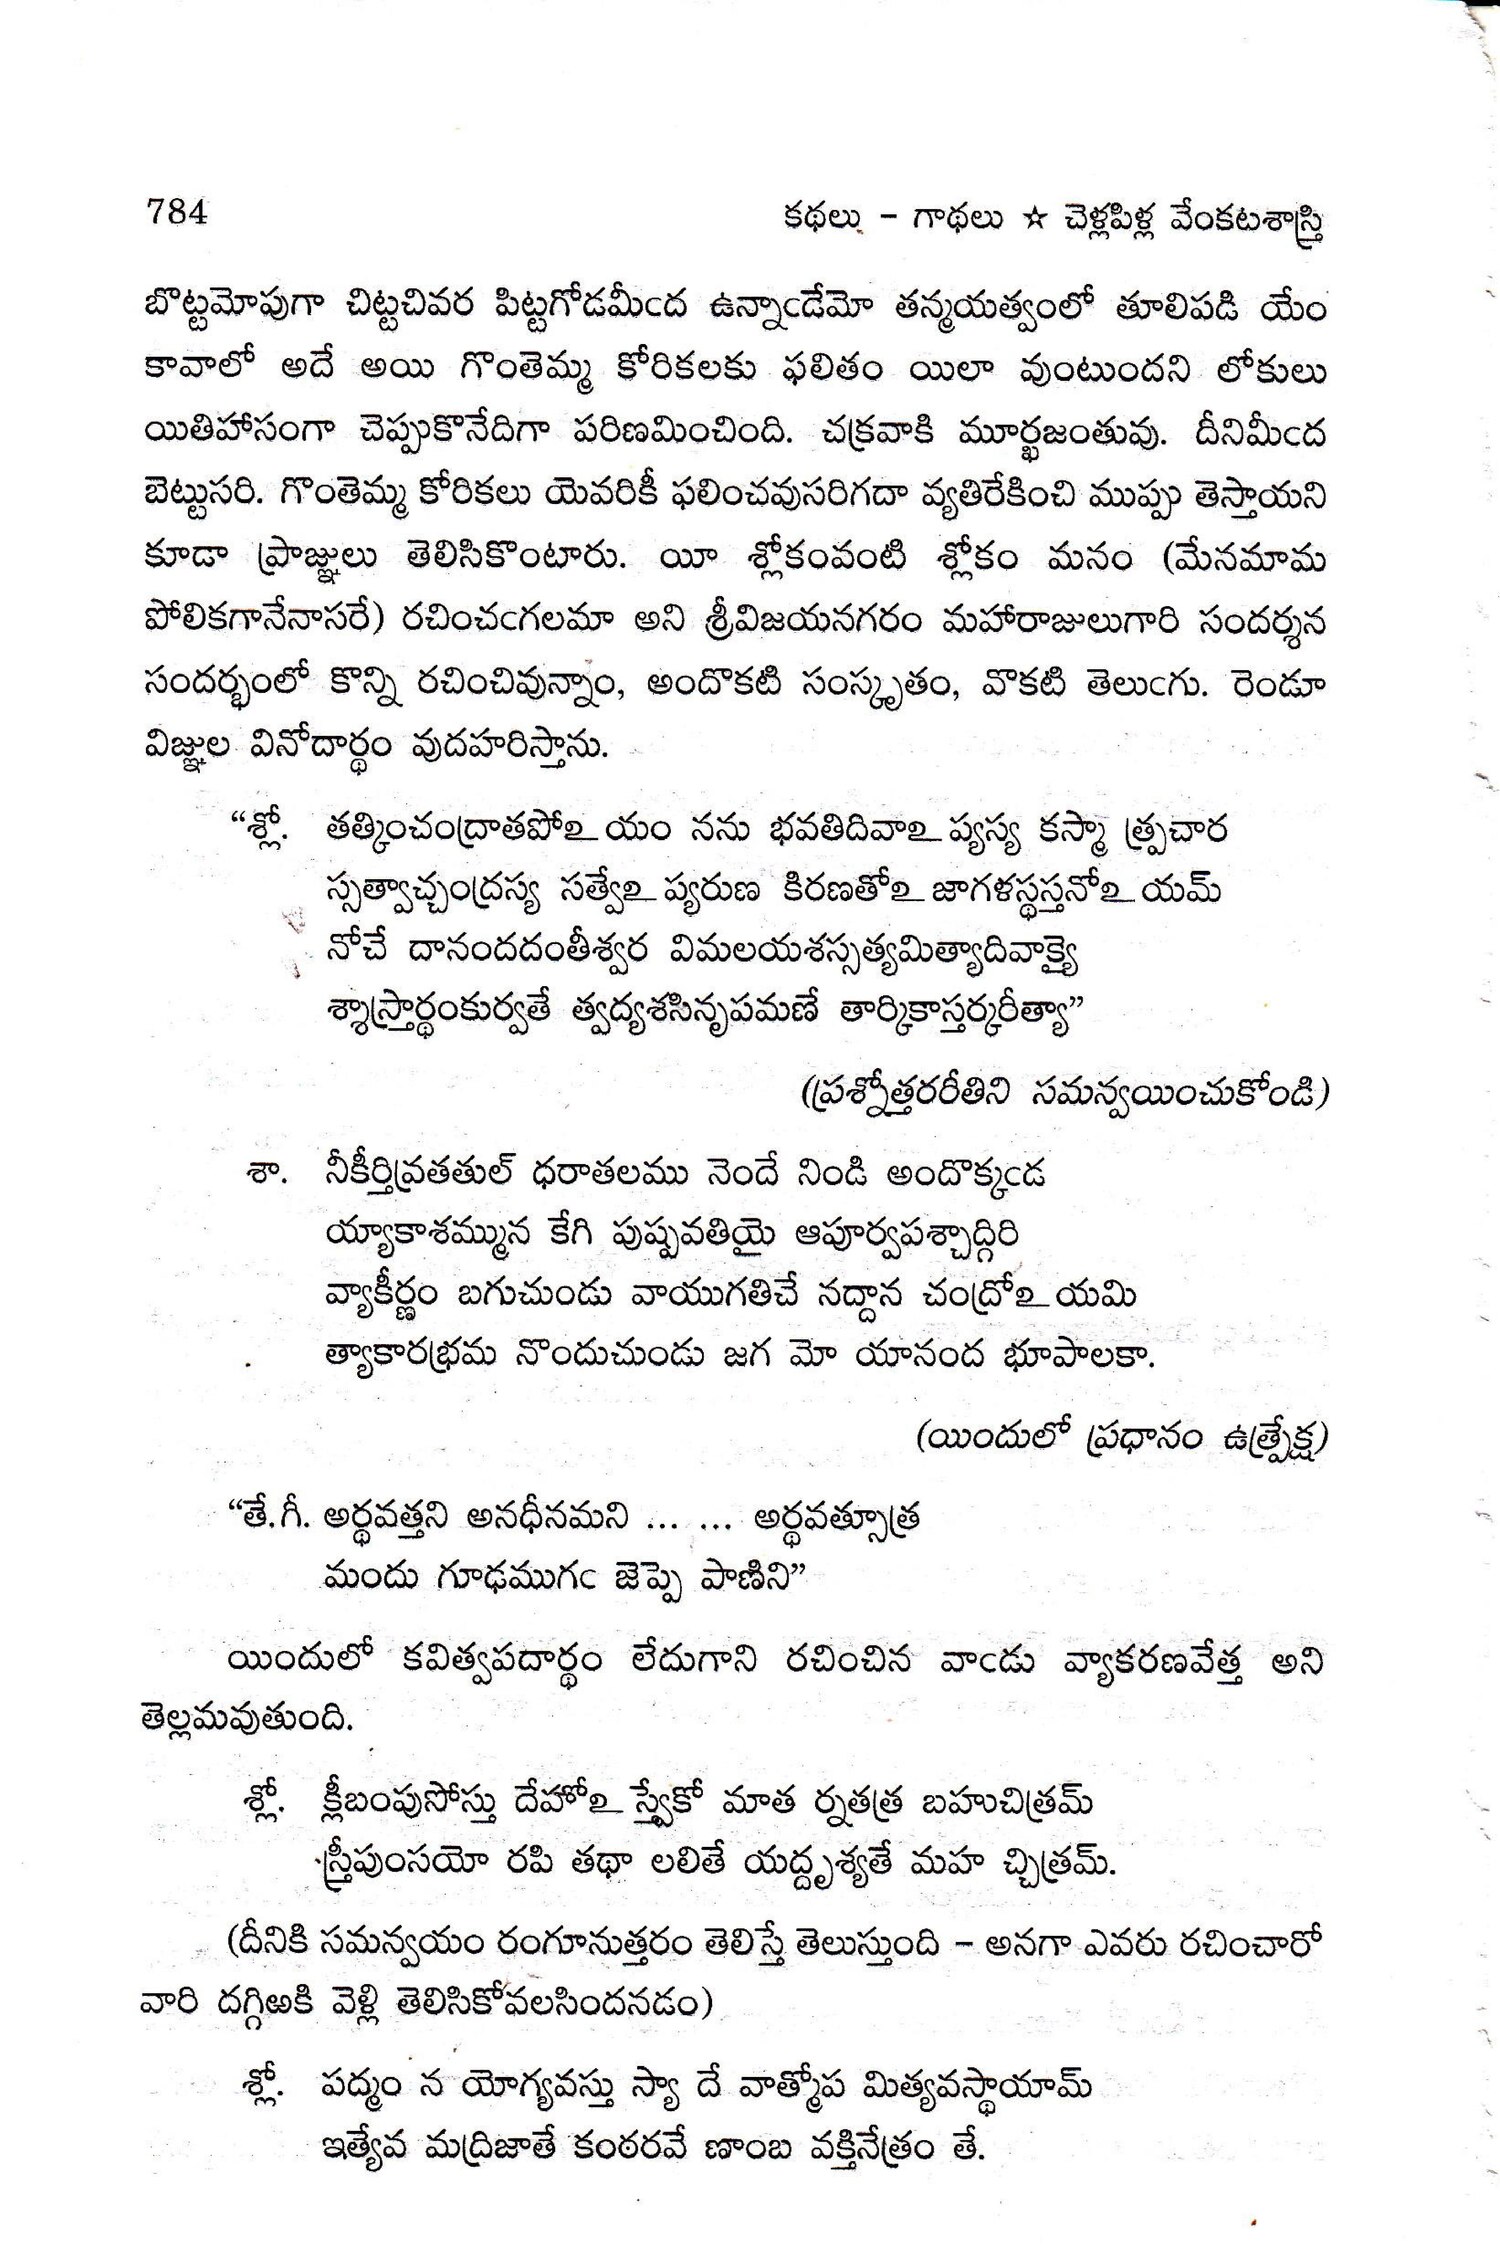బొట్టమోపుగా చిట్టచివర పిట్టగోడమీఁద ఉన్నాఁడేమో తన్మయత్వంలో తూలిపడి యేం కావాలో అదే అయి గొంతెమ్మ కోరికలకు ఫలితం యిలా వుంటుందని లోకులు యితిహాసంగా చెప్పుకొనేదిగా పరిణమించింది. చక్రవాకి మూర్ఖజంతువు. దీనిమీఁద బెట్టుసరి. గొంతెమ్మ కోరికలు యెవరికీ ఫలించవుసరిగదా వ్యతిరేకించి ముప్పు తెస్తాయని కూడా ప్రాజ్ఞులు తెలిసికొంటారు. యీ శ్లోకంవంటి శ్లోకం మనం (మేనమామ పోలికగానేనాసరే) రచించఁగలమా అని శ్రీవిజయనగరం మహారాజులుగారి సందర్శన సందర్భంలో కొన్ని రచించివున్నాం, అందొకటి సంస్కృతం, వొకటి తెలుఁగు. రెండూ విజ్ఞుల వినోదార్థం వుదహరిస్తాను. -

“శ్లో. తత్కించంద్రాతపో౽యం నను భవతిదివా౽ప్యస్య కస్మా త్ప్రచార 
 స్సత్వాచ్చంద్రస్య సత్వే౽ప్యరుణ కిరణతో౽ జాగళస్థస్తనో౽యమ్
 నోచే దానందదంతీశ్వర విమలయశస్సత్యమిత్యాదివాక్యై 
 శ్శాస్త్రార్ధంకుర్వతే త్వద్యశసినృపమణే తార్కికాస్తరరీత్యా" 
 (ప్రశ్నోత్తరరీతిని సమన్వయించుకోండి) 

శా. నీకీర్తివ్రతతుల్ ధరాతలము నెందే నిండి అందొక్కఁడ
 య్యాకాశమ్మున కేగి పుష్పవతియై ఆపూర్వపశ్చాద్గిరి 
 వ్యాకీర్ణం బగుచుండు వాయుగతిచే నద్దాన చంద్రో౽యమి 
 త్యాకారభ్రమ నొందుచుండు జగ మో యానంద భూపాలకా.
 (యిందులో ప్రధానం ఉత్ప్రేక్ష)

"తే. గీ. అర్థవత్తని అనధీనమని ... ... అర్ధవత్సూత్ర 
 మందు గూఢముగఁ జెప్పె పాణిని" 
యిందులో కవిత్వపదార్థం లేదుగాని రచించిన వాఁడు వ్యాకరణవేత్త అని తెల్లమవుతుంది. 

శ్లో. క్లీబంపుసోస్తు దేహో౽స్త్వేకో మాత ర్నతత్ర బహుచిత్రమ్ 
 స్త్రీపుంసయో రపి తథా లలితే యద్దృశ్యతే మహ చ్చిత్రమ్.
(దీనికి సమన్వయం రంగూనుత్తరం తెలిస్తే తెలుస్తుంది - అనగా ఎవరు రచించారో వారి దగ్గిఱకి వెళ్లి తెలిసికోవలసిందనడం) -

శ్లో. పద్మం న యోగ్యవస్తు స్యా దే వాత్మోప మిత్యవస్థాయామ్
 ఇత్యేవ మద్రిజాతే కంఠరవే ణాంబ వక్తినేత్రం తే.